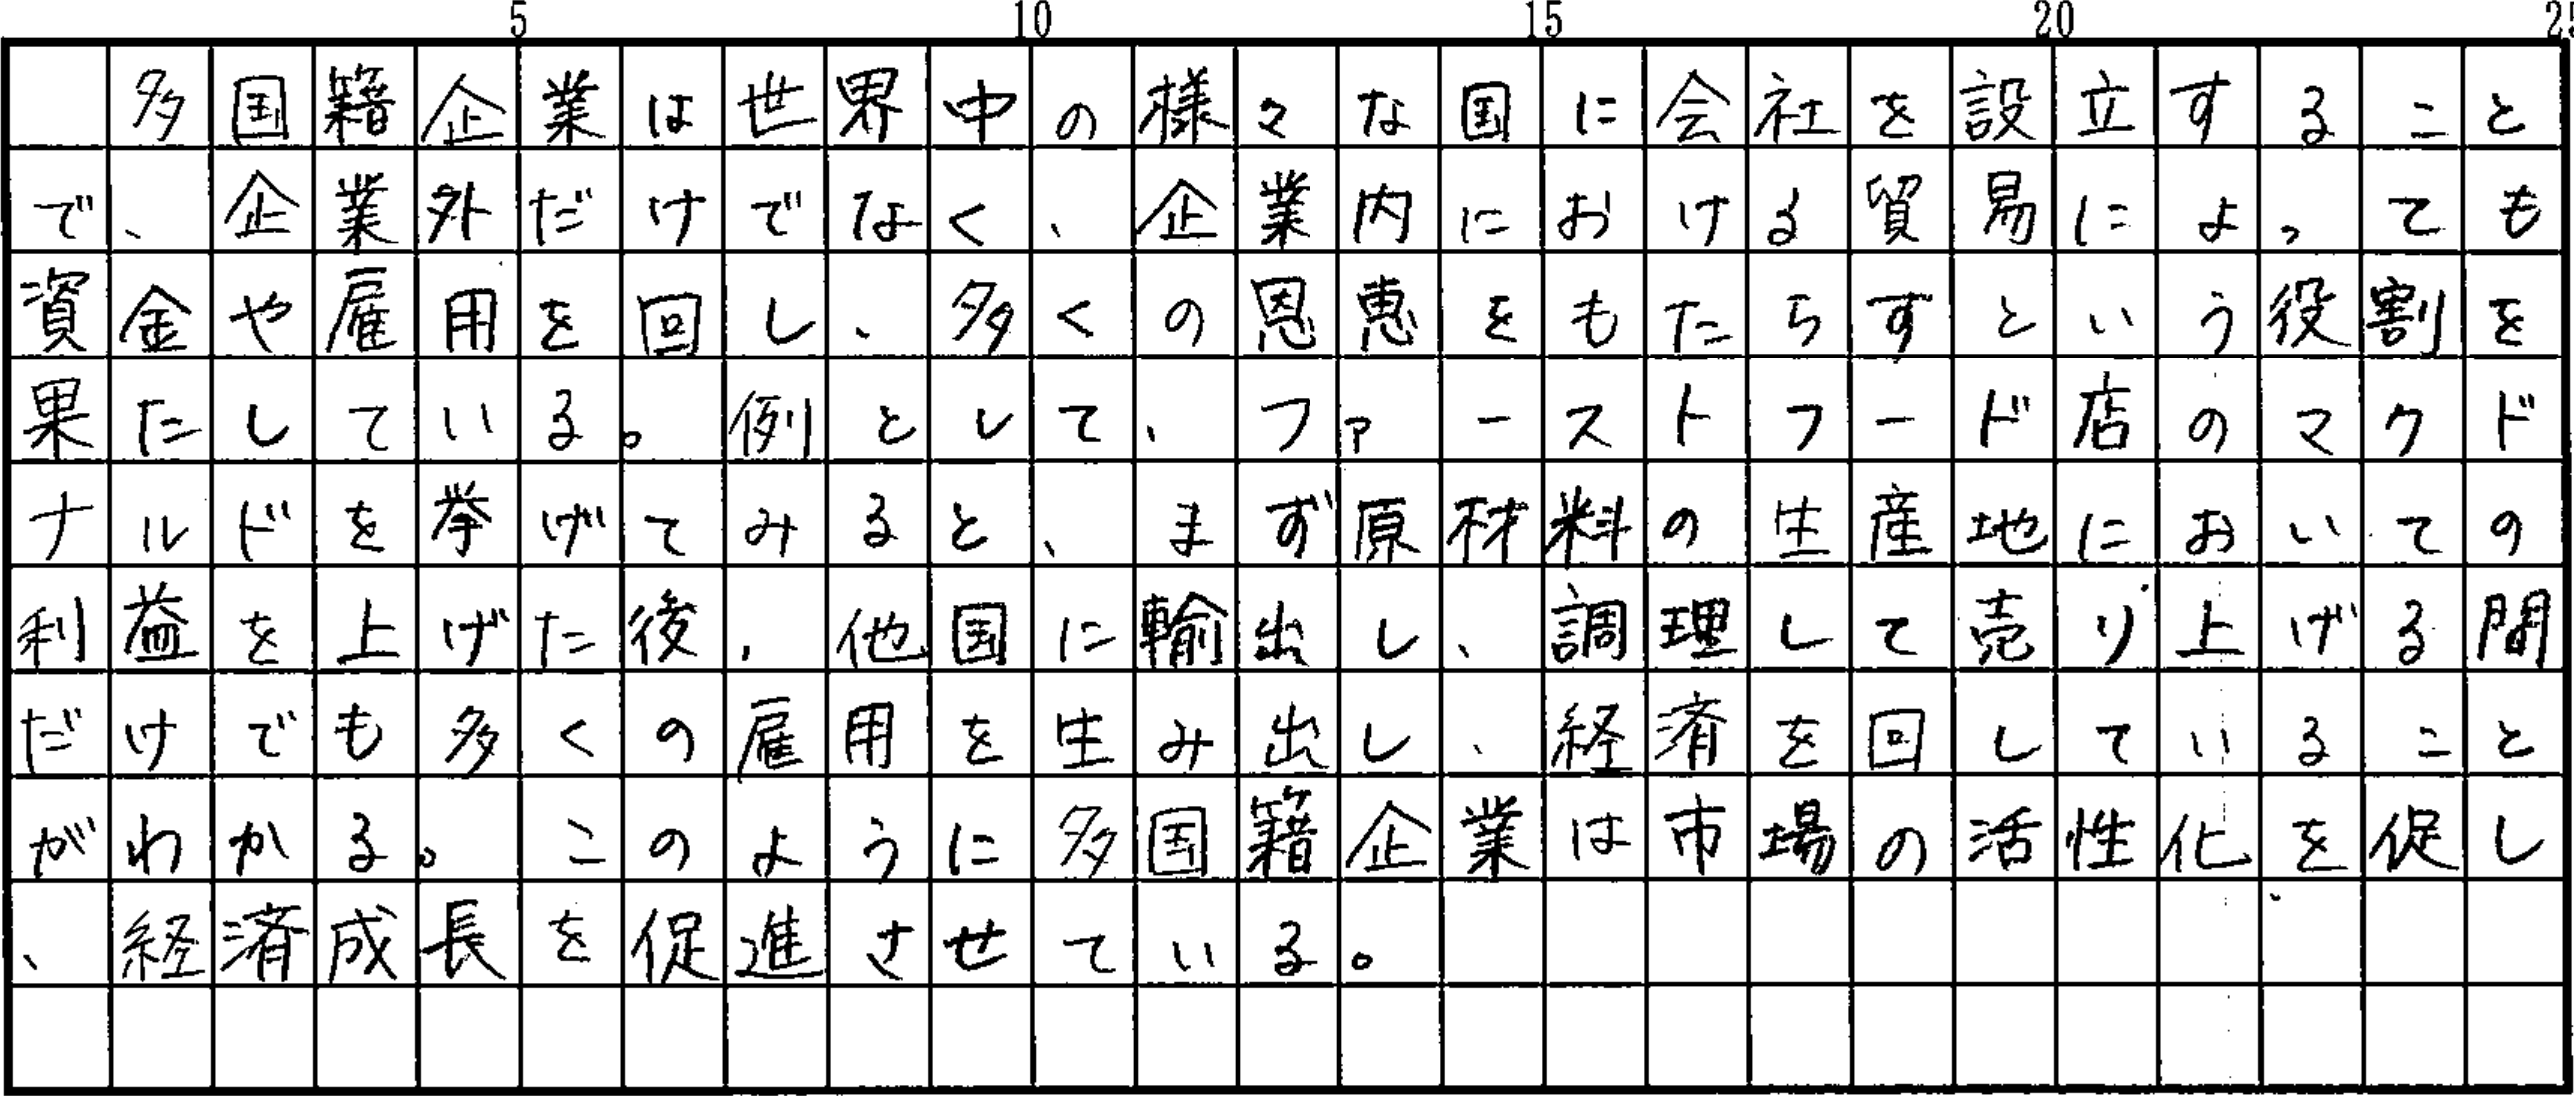　多国籍企業は世界中の様々な国に会社を設立することで、企業外だけでなく、企業内における貿易によっても資金や雇用を回し、多くの恩恵をもたらすという役割を果たしている。例として、ファーストフード店のマクドナルドを挙げてみると、まず原材料の生産地においての利益を上げた後、他国に輸出し、調理して売り上げる間だけでも多くの雇用を生み出し、経済を回していることがわかる。このように多国籍企業は市場の活性化を促し、経済成長を促進させている。
